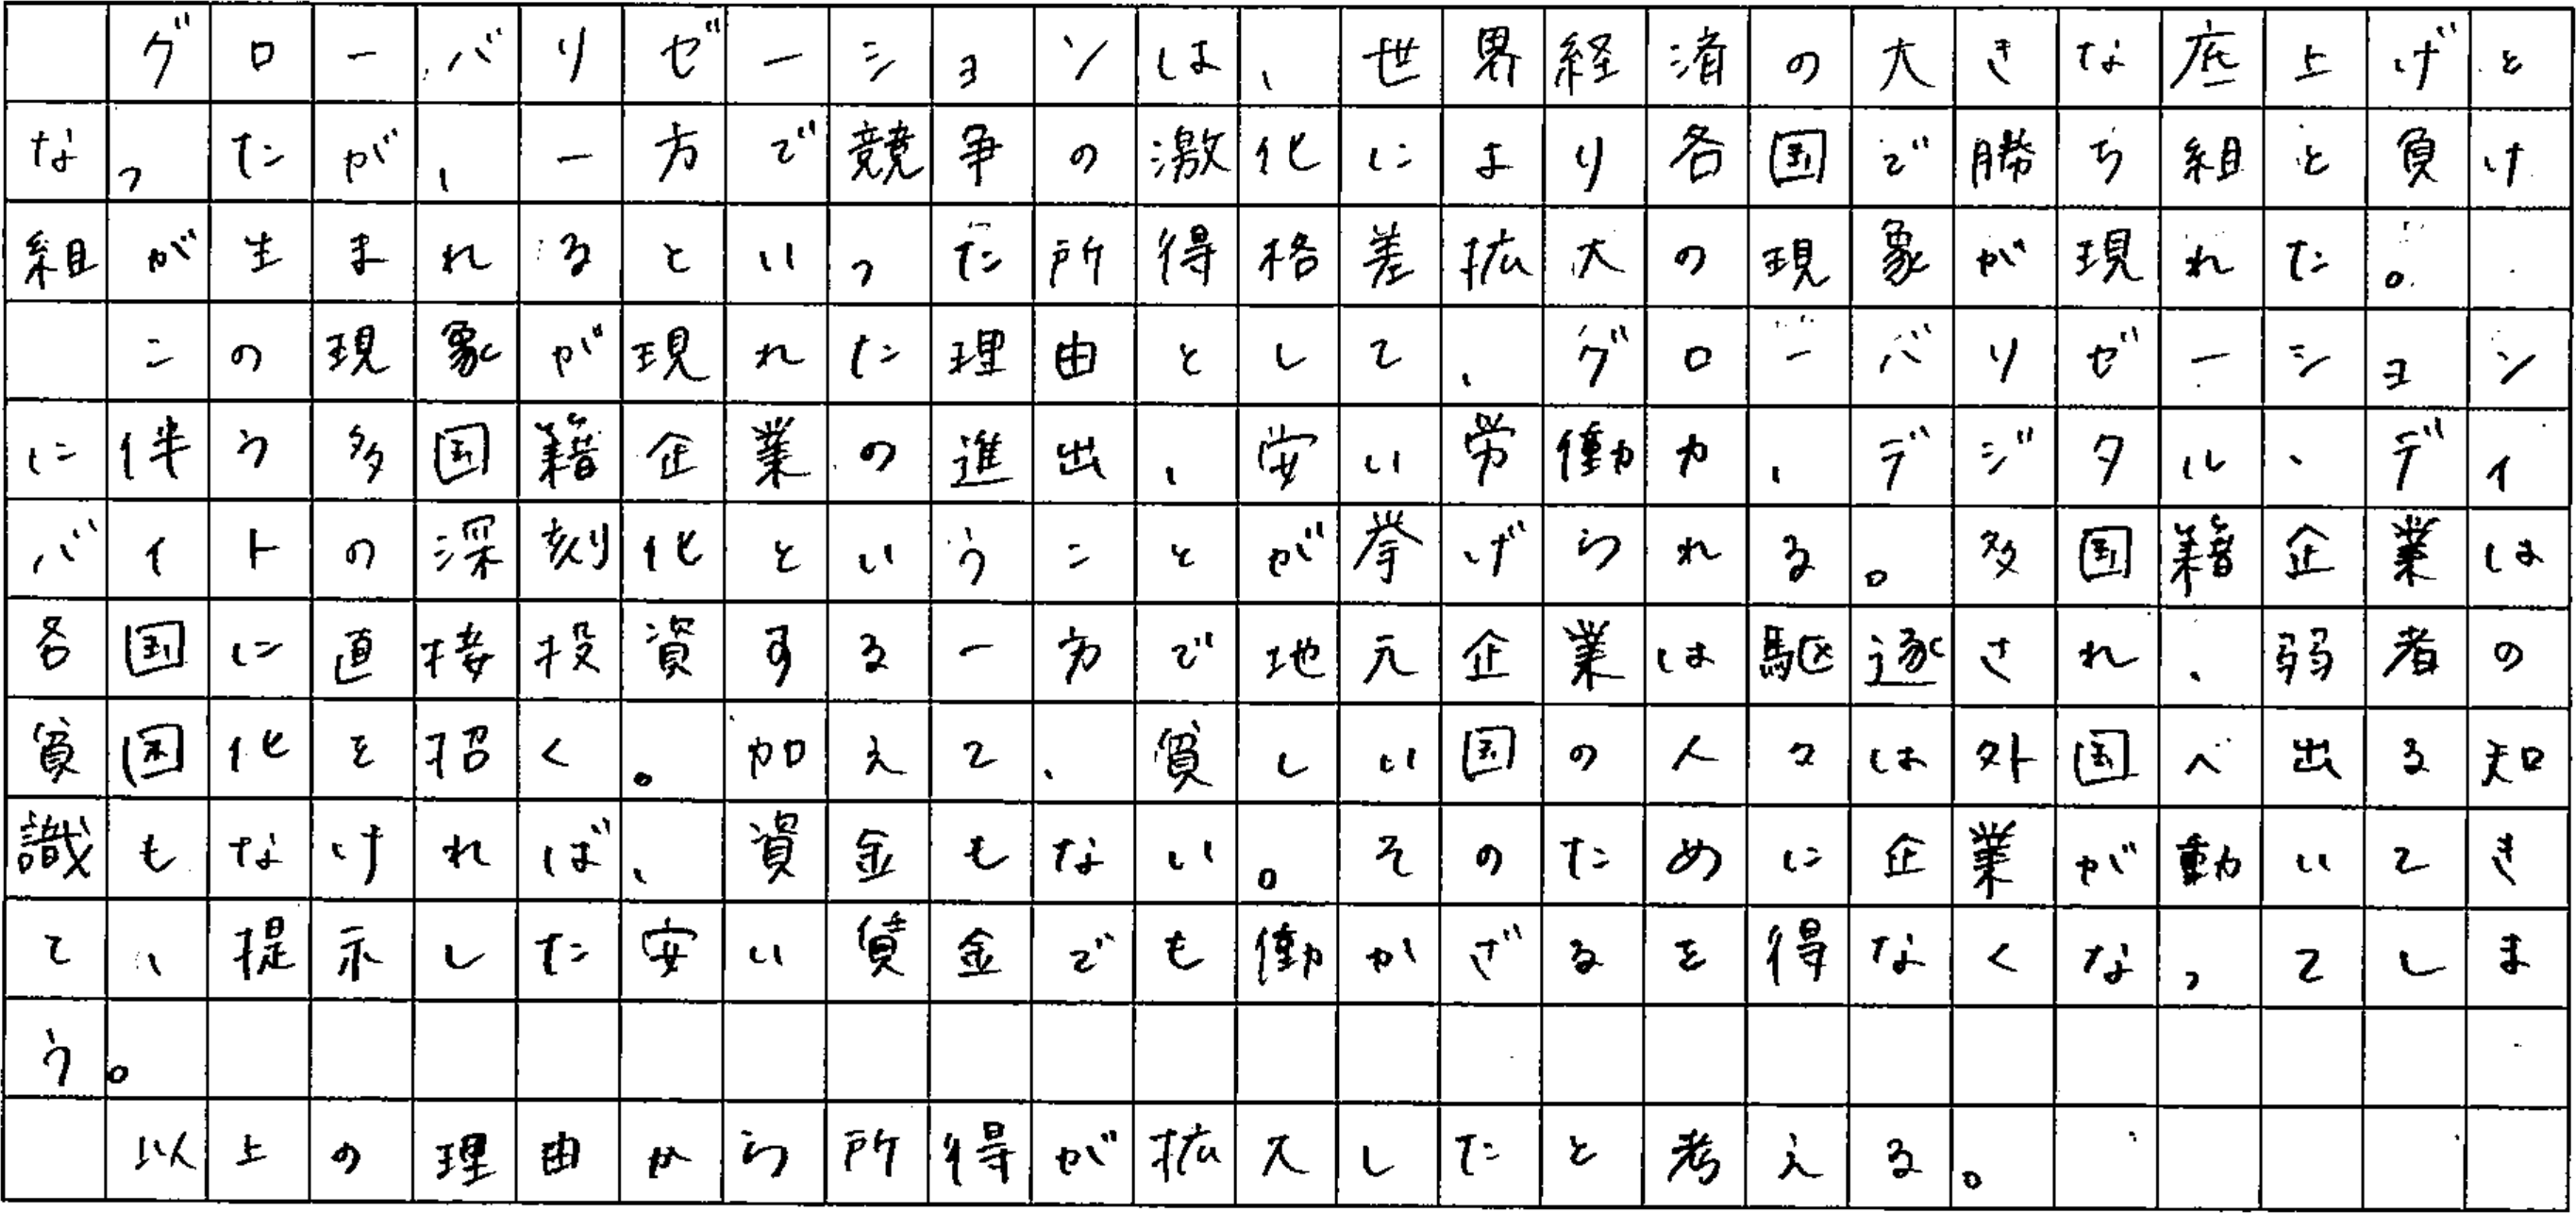　グローバリゼーションは、世界経済の大きな底上げとなったが、一方で競争の激化により各国で勝ち組と負け組が生まれるといった所得格差拡大の現象が現れた。
　この現象が現れた理由として、グローバリゼーションに伴う多国籍企業の進出、安い労働力、デジタル・ディバイトの深刻化ということが挙げられる。多国籍企業は各国に直接投資する一方で地元企業は駆逐され、弱者の貧困化を招く。加えて、貧しい国の人々は外国へ出る知識もなければ、賃金もない。そのために企業が動いてきて、提示した安い賃金でも働かざるを得なくなってしまう。
　以上の理由から所得が拡大したと考える。
